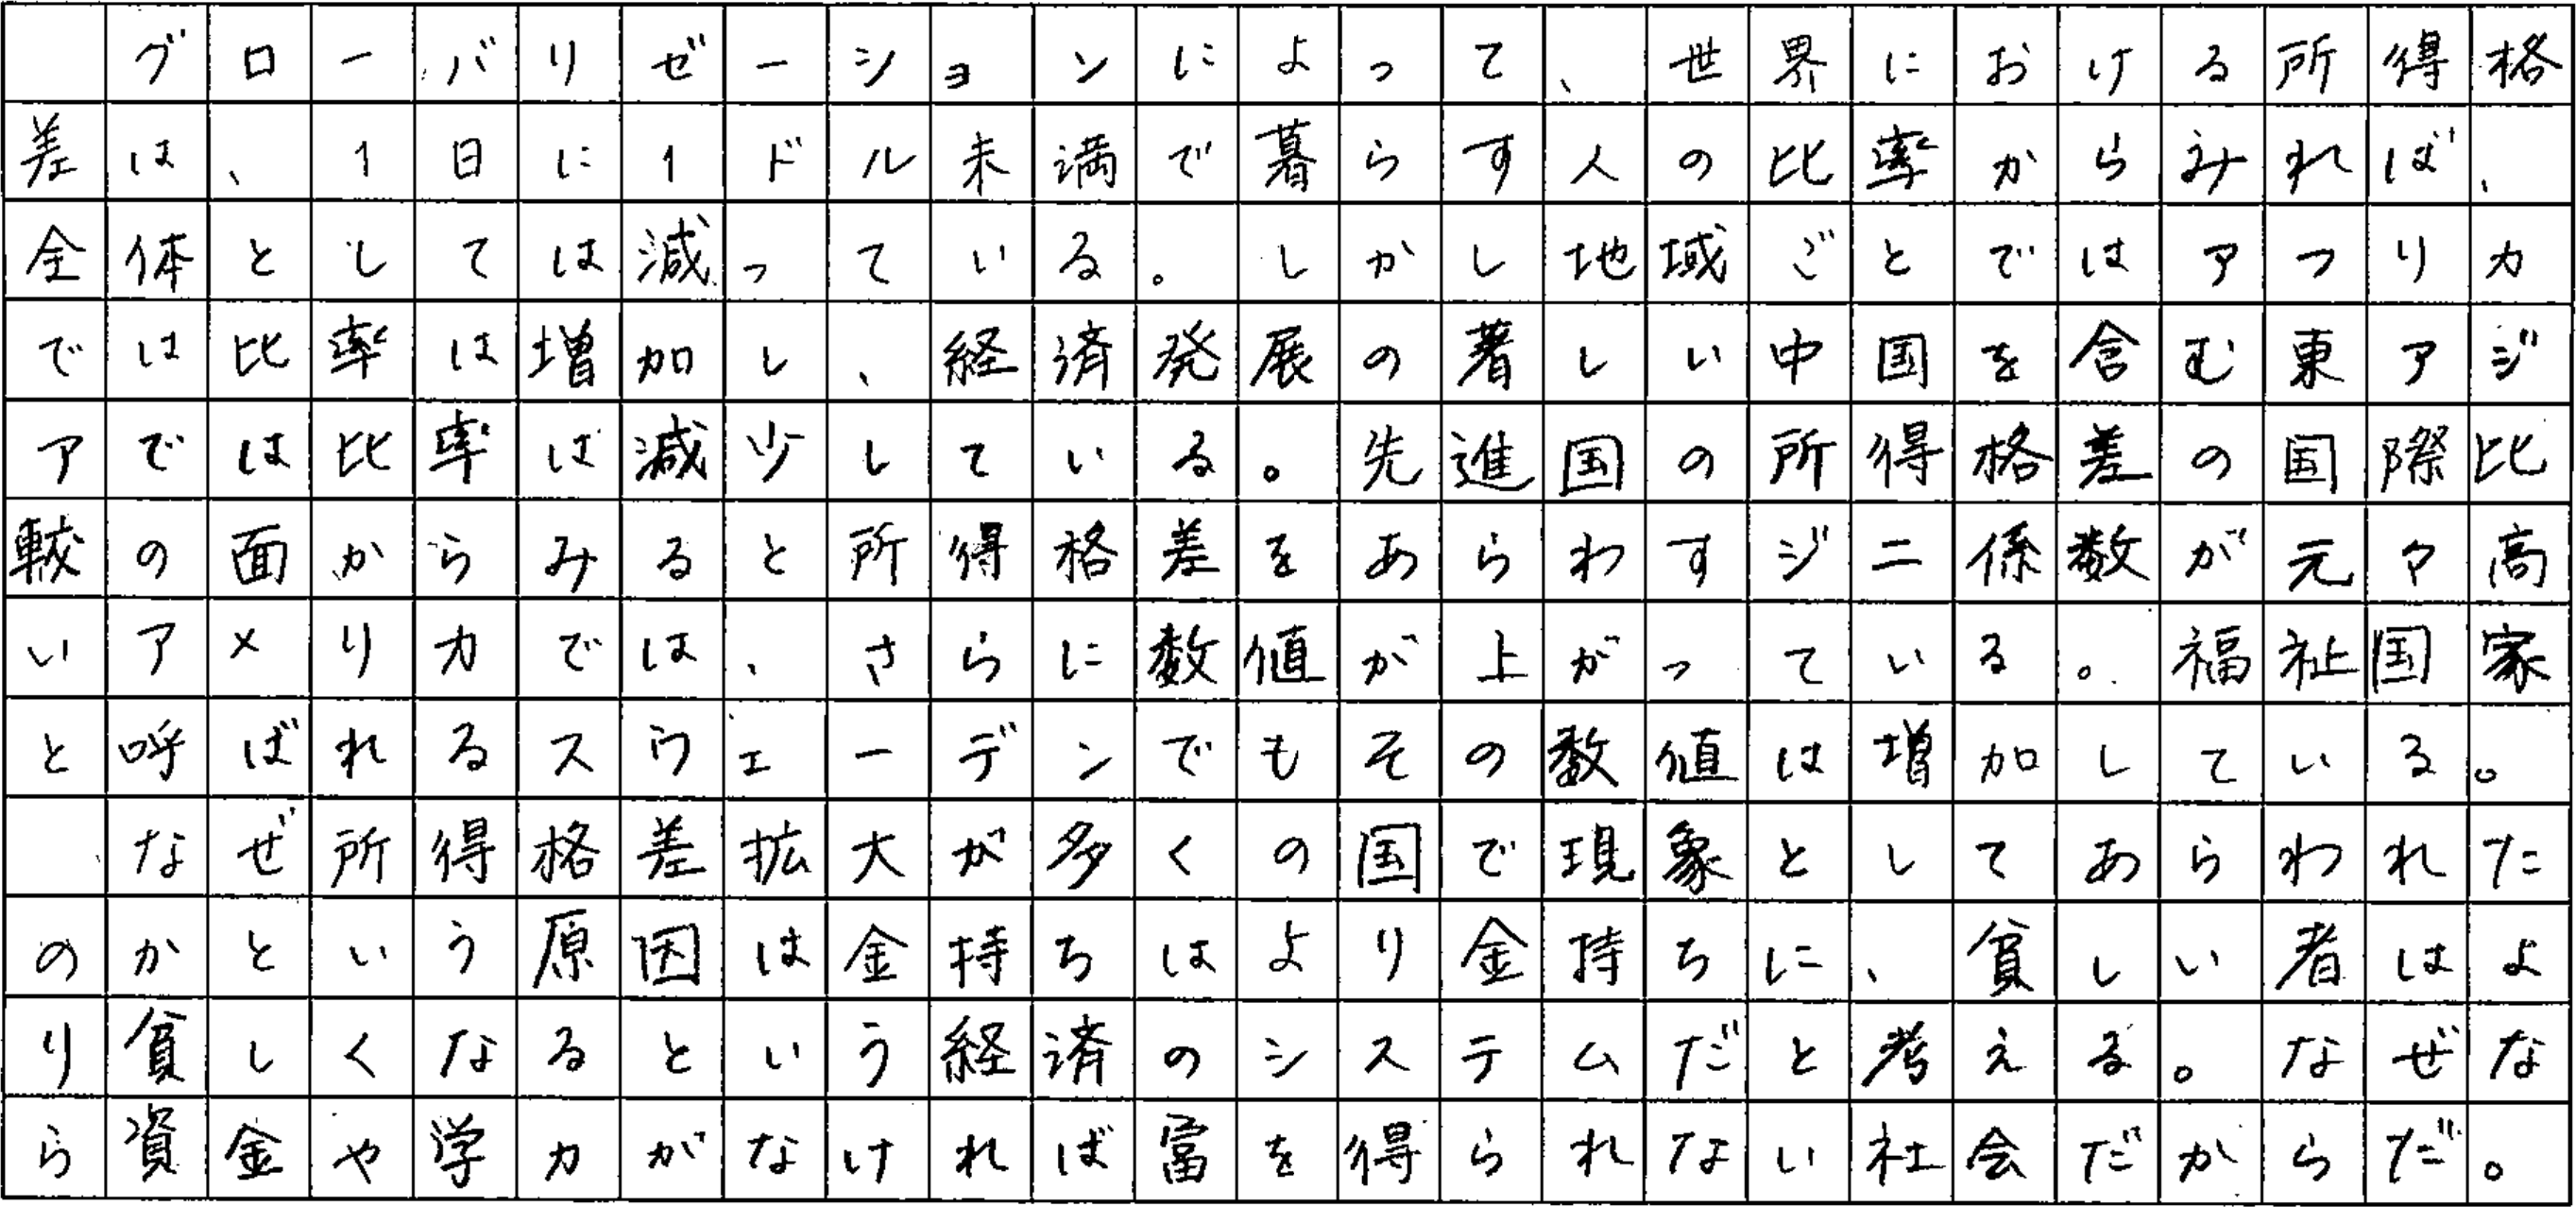　グローバリゼーションによって、世界における所得格差は、１日に１ドル未満で暮らす人の比率からみれば、全体としては減っている。しかし地域ごとではアフリカでは比率は増加し、経済発展の著しい中国を含む東アジアでは比率は減少している。先進国の所得格差の国際比較の面からみると所得格差をあらわすジニ係数が元々高いアメリカでは、さらに数値が上がっている。福祉国家と呼ばれるスウェーデンでもその数値は増加している。
　なぜ所得格差拡大が多くの国で現象としてあらわれたのかという原因は金持ちはより金持ちに、貧しい者はより貧しくなるという経済のシステムだと考える。なぜなら資金や学力がなければ富を得られない社会だからだ。
